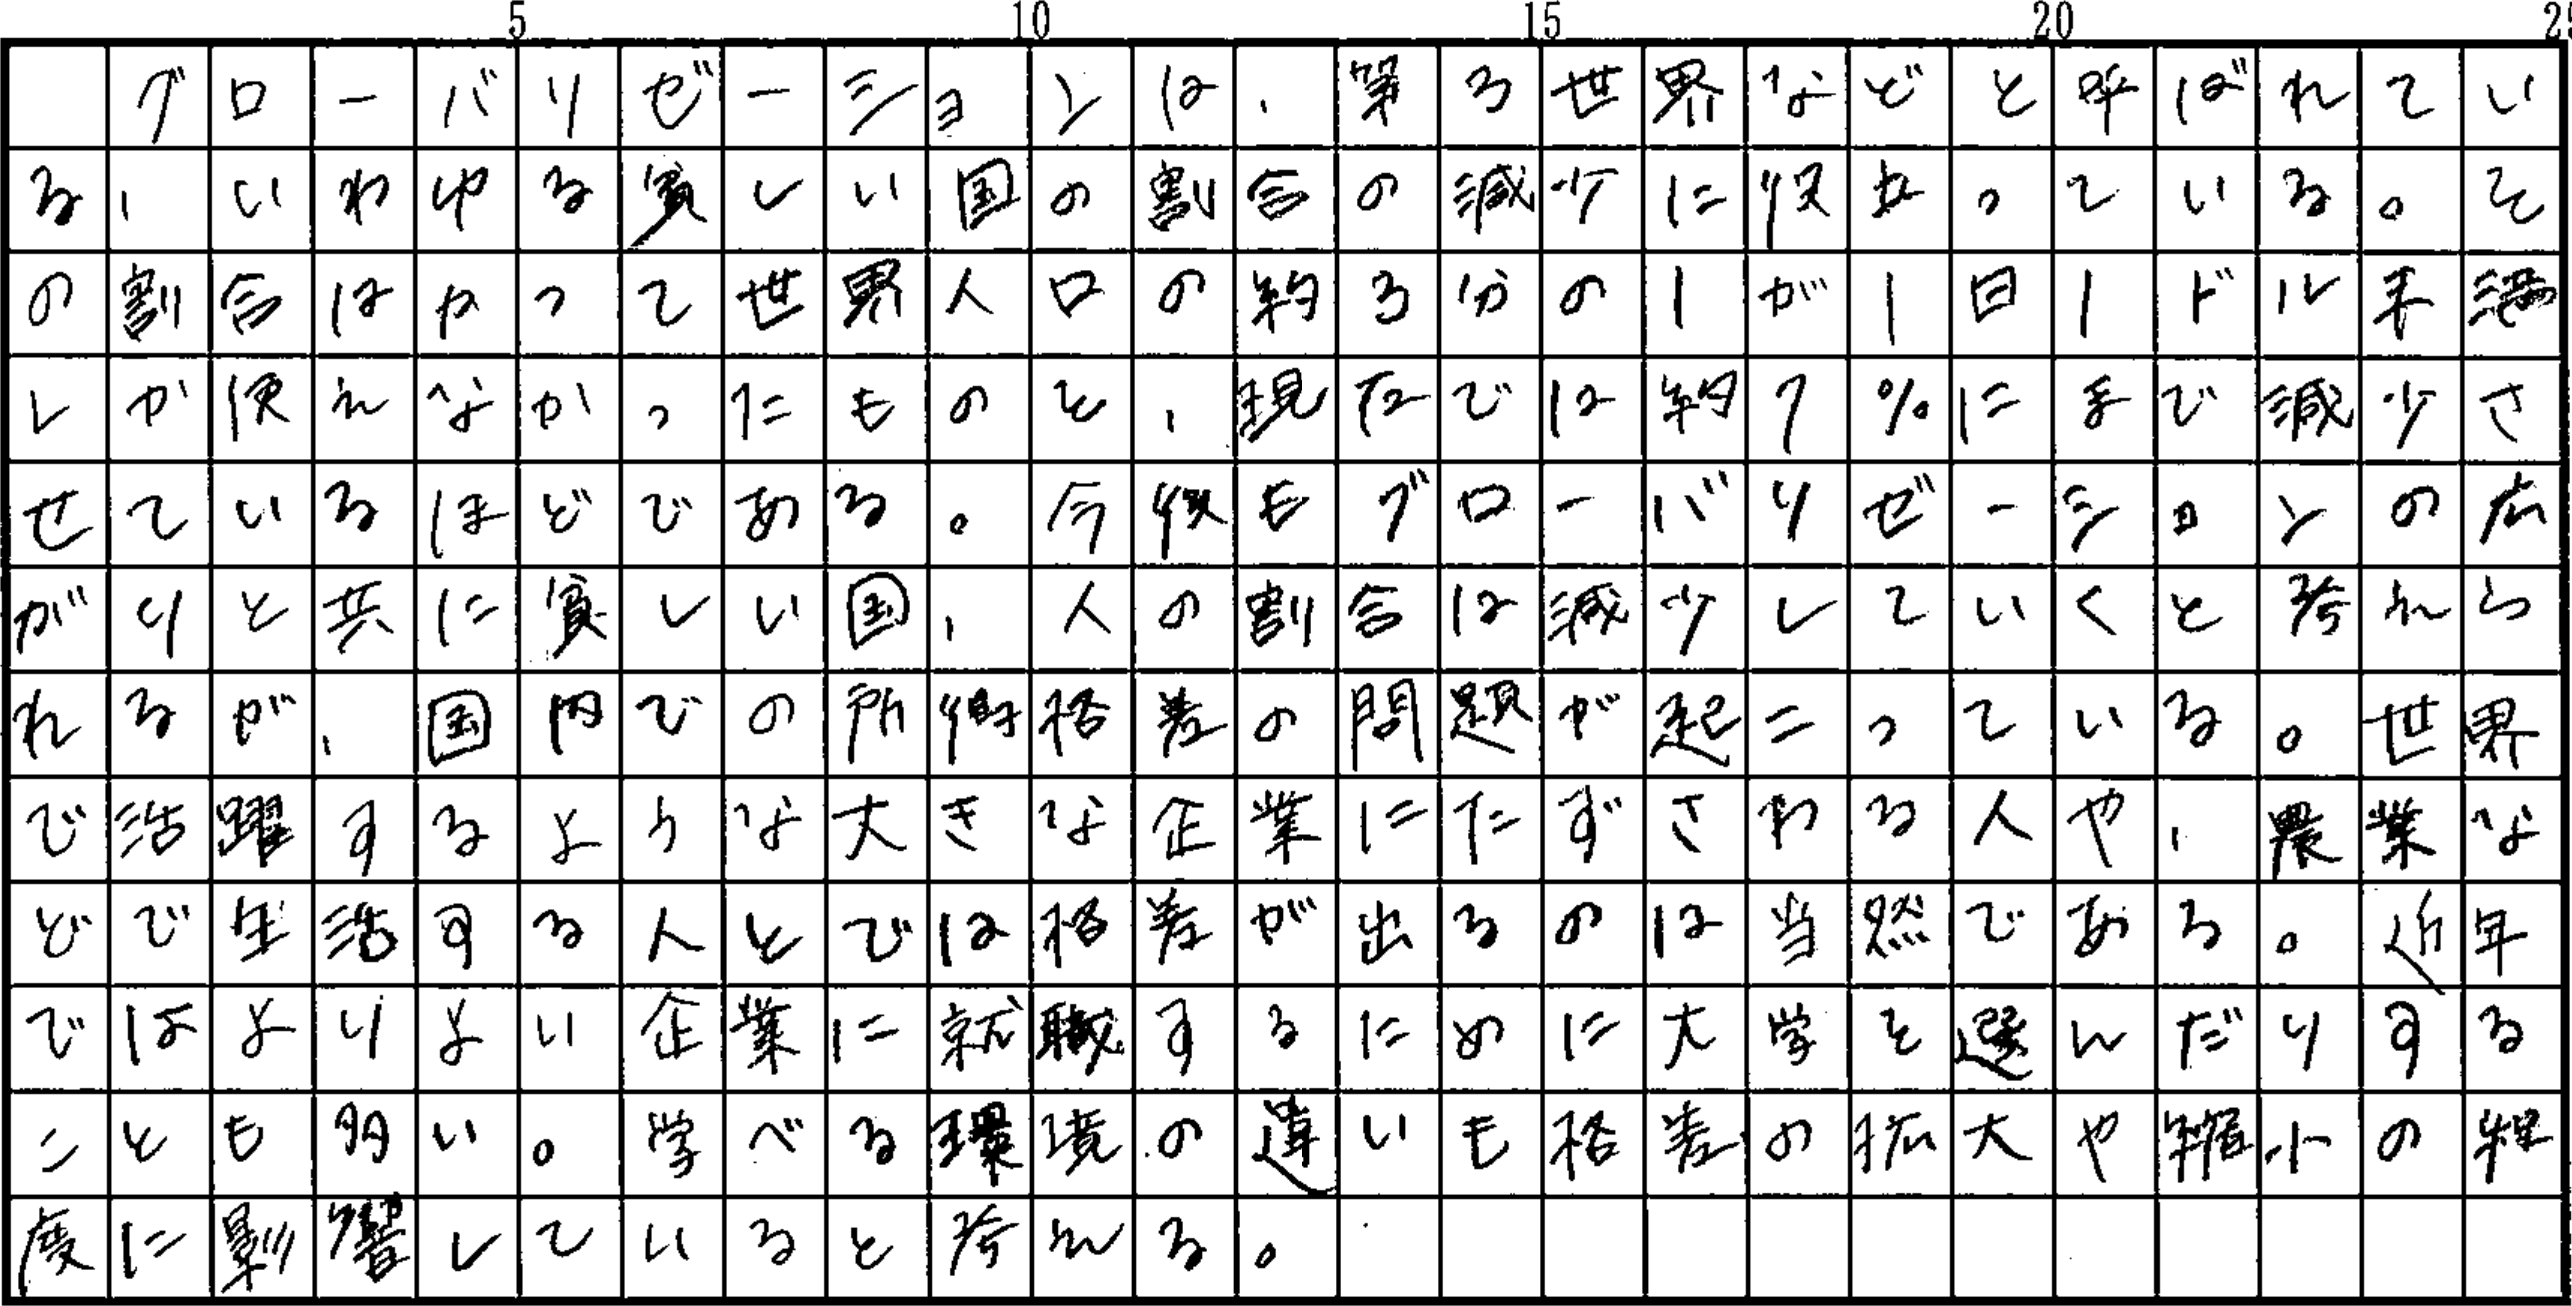　グローバリゼーションは、第３世界などと呼ばれている、いわゆる貧しい国の割合の減少に役立っている。その割合はかつて世界人口の３分の１が１日１ドル未満しか使えなかったものを、現在では約７％にまで減少させているほどである。今後もグローバリゼーションの広がりと共に貧しい国、人の割合は減少していくと考えられるが、国内での所得格差の問題が起こっている。世界で活躍するような大きな企業にたずさわる人や、農業などで生活する人とでは格差が出るのは当然である。近年ではよりよい企業に就職するために大学を選んだりすることも多い。学べる環境の違いも格差の拡大や縮小の程度に影響していると考える。
